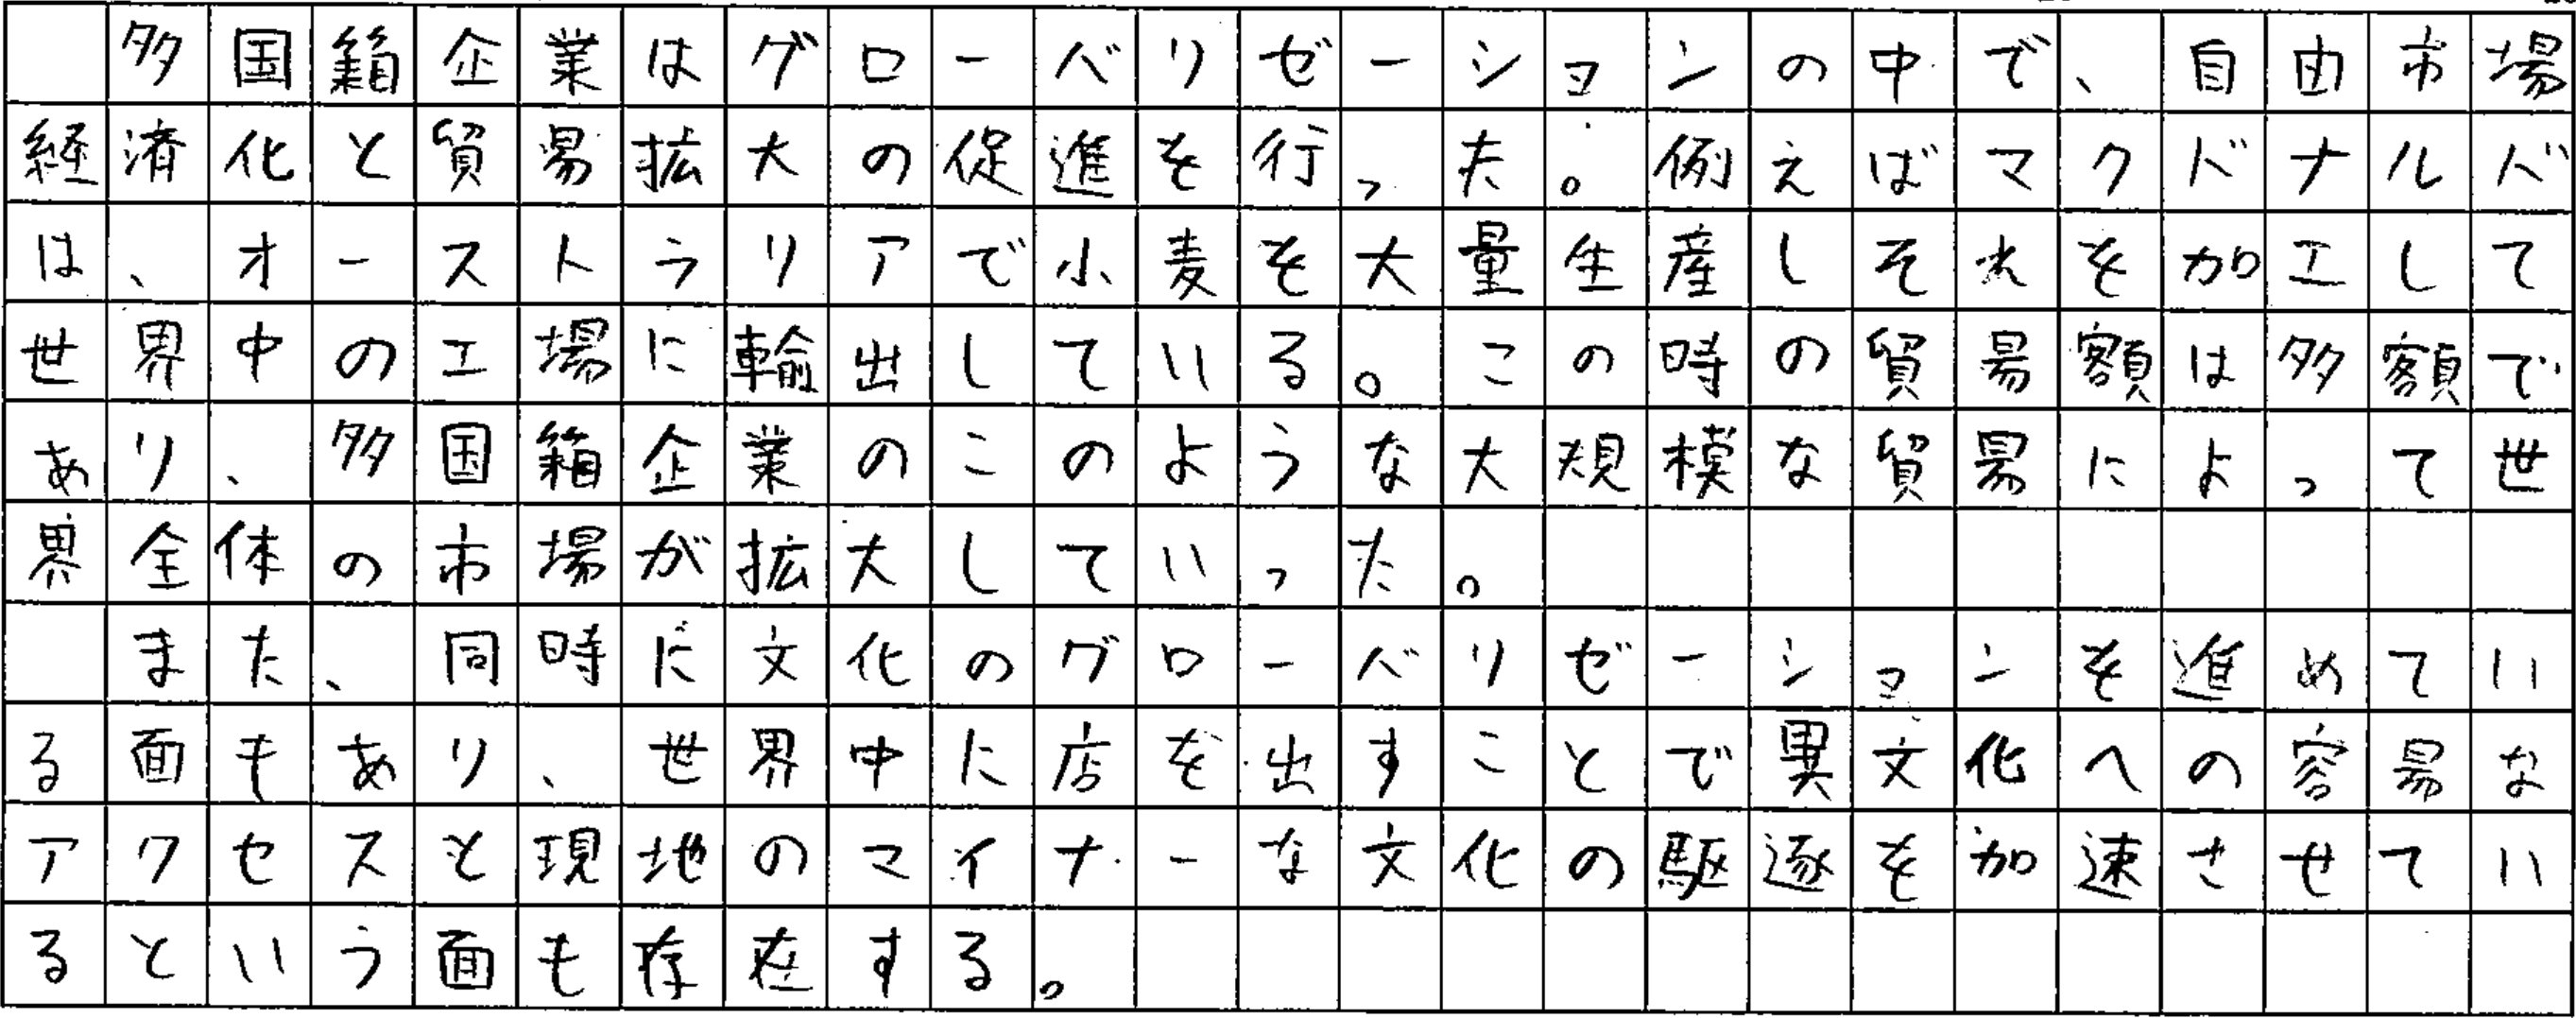　多国籍企業はグローバリゼーションの中で、自由市場経済化と貿易拡大の促進を行った。例えばマクドナルドは、オーストラリアで小麦を大量生産しそれを加工して世界中の工場に輸出している。この時の貿昜額は多額であり、多国籍企業のこのような大規模な貿昜によって世界全体の市場が拡大していった。
　また、同時に文化のグローバリゼーションを進めている面もあり、世界中に店を出すことで異文化への容昜なアクセスと現地のマイナーな文化の駆逐を加速させているという面も存在する。
